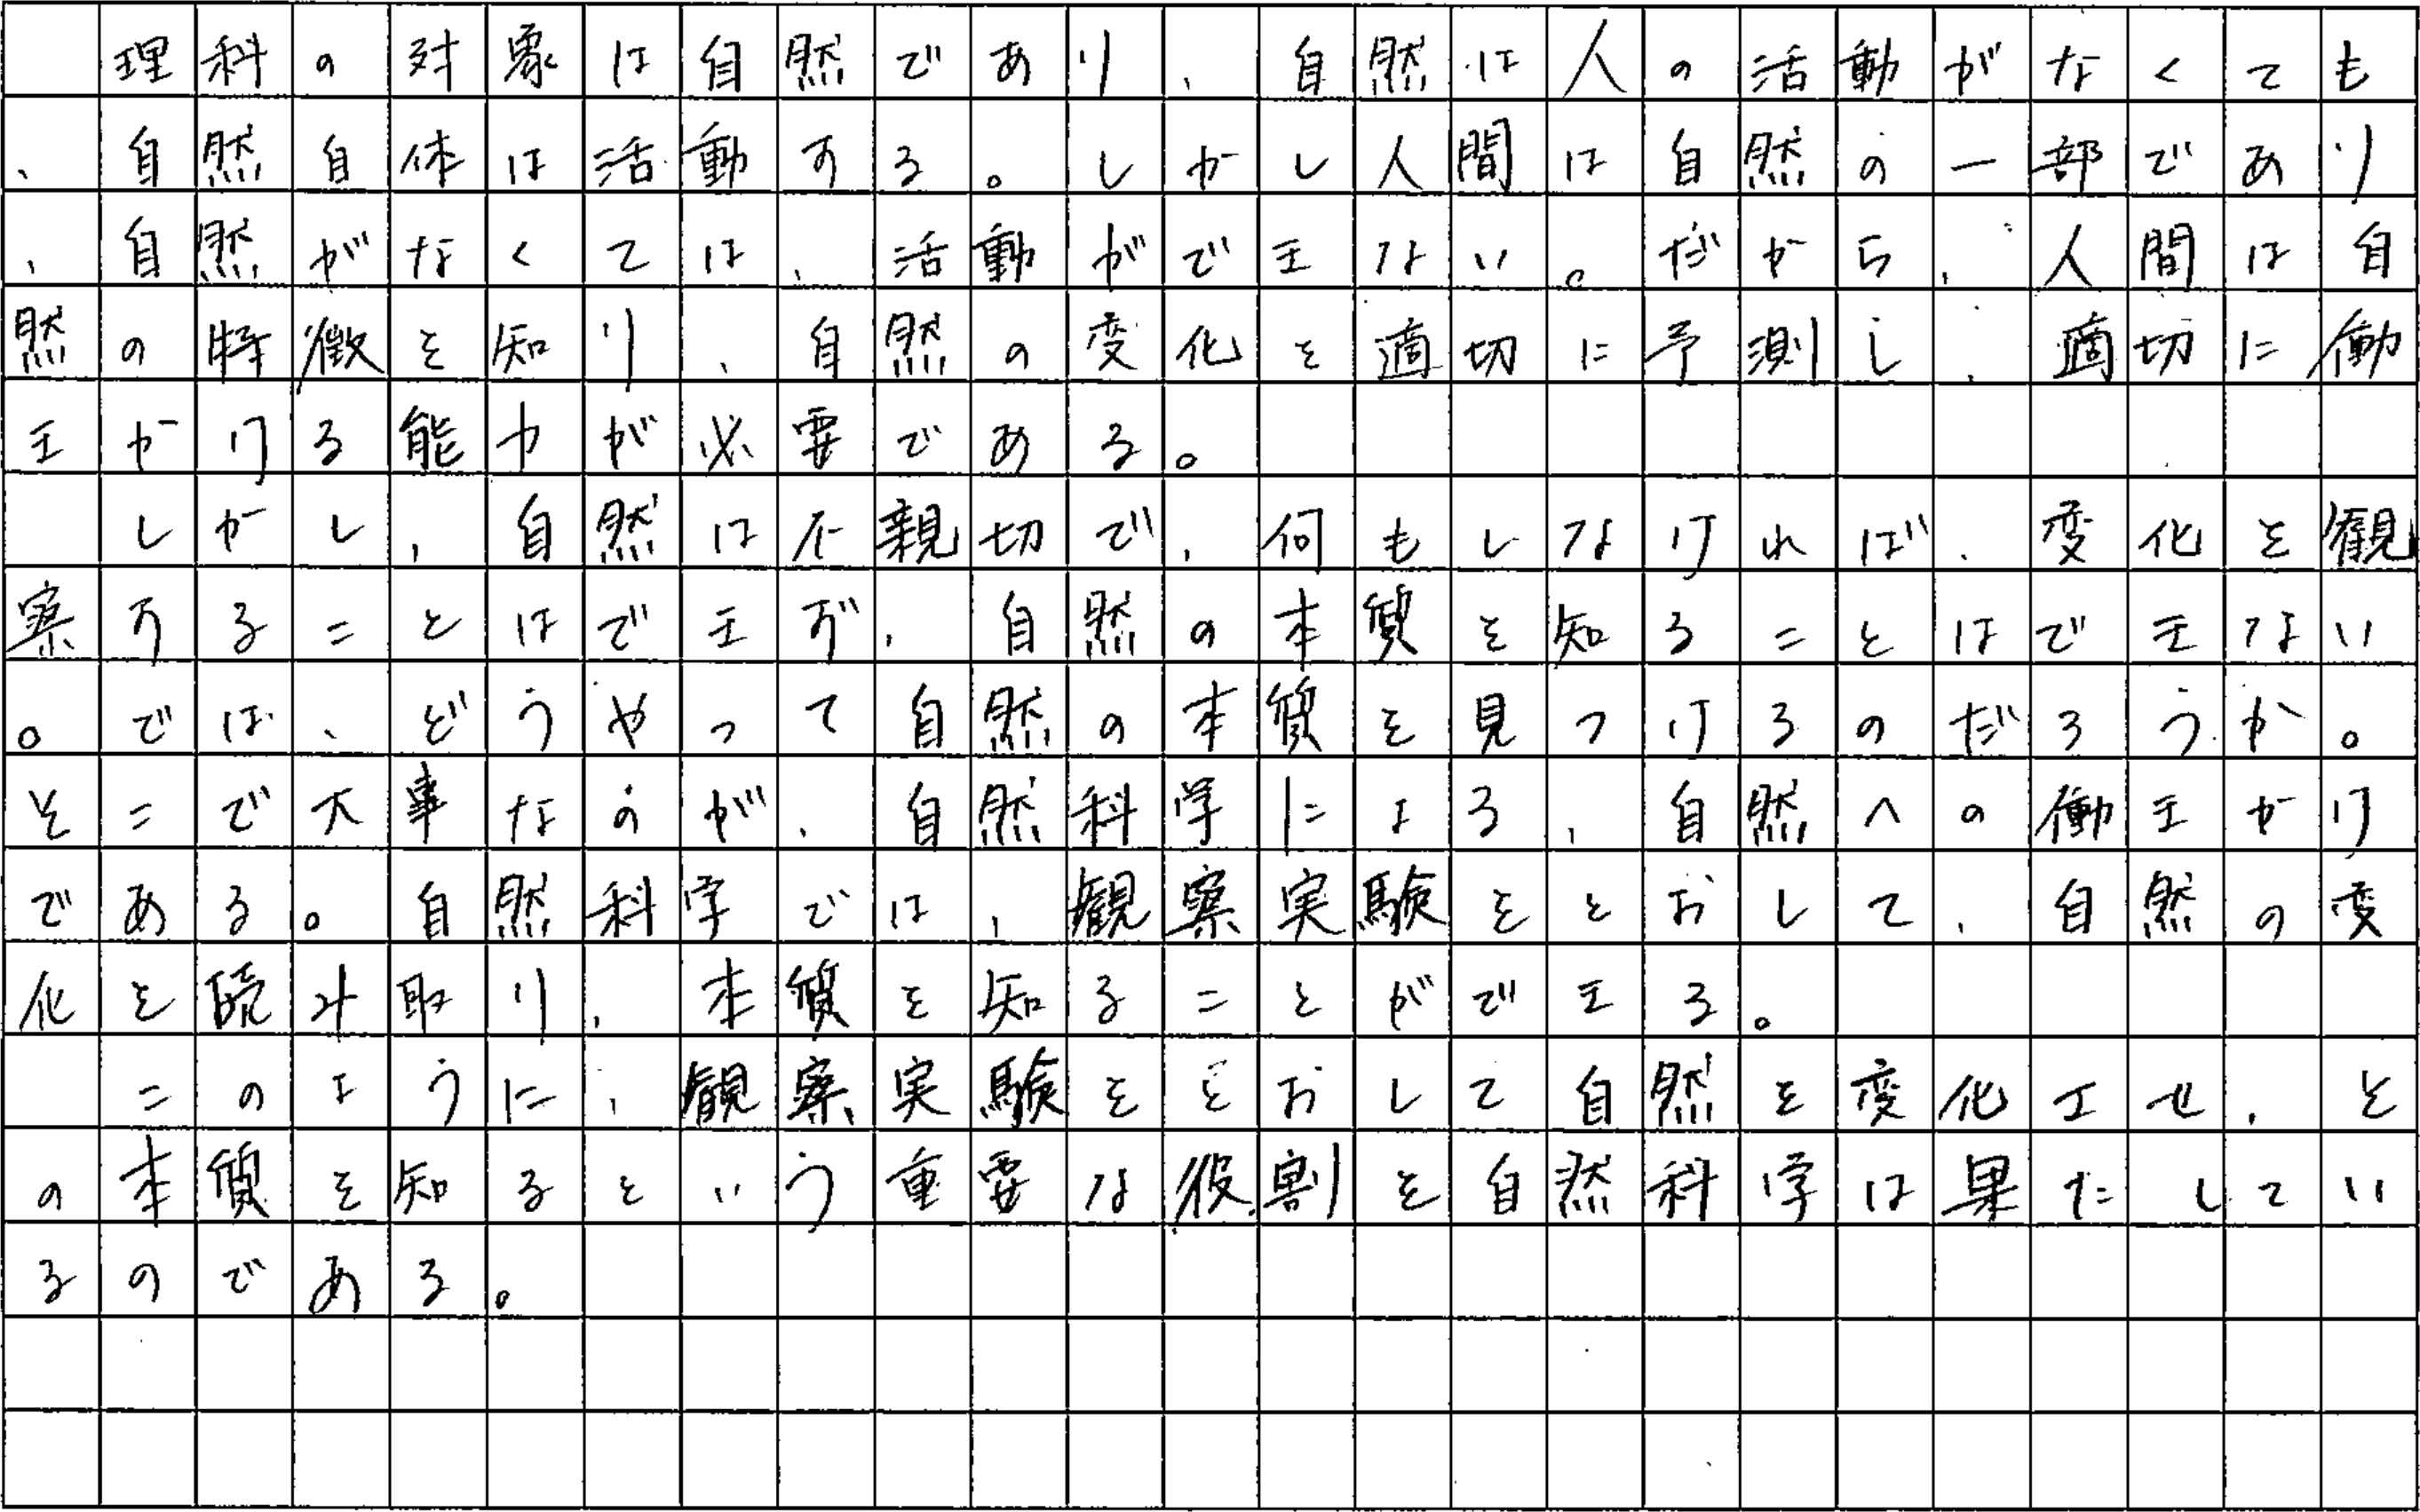　理科の対象は自然であり、自然は人の活動がなくても、自然自体は活動する。しかし人間は自然の一部であり、自然がなくては、活動ができない。だから、人間は自然の特徴を知り、自然の変化を適切に予測し、適切に働きかける能力が必要である。
　しかし、自然は不親切で、何もしなければ、変化を観察することはできず、自然の本質を知ることはできない。では、どうやって自然の本質を見つけるのだろうか。そこで大事なのが、自然科学による、自然への働きかけである。自然科学では、観察実験をとおして、自然の変化を読み取り、本質を知ることができる。
　このように、観察実験をとおして自然を変化させ、その本質を知るという重要な役割を自然科学は果たしているのである。
